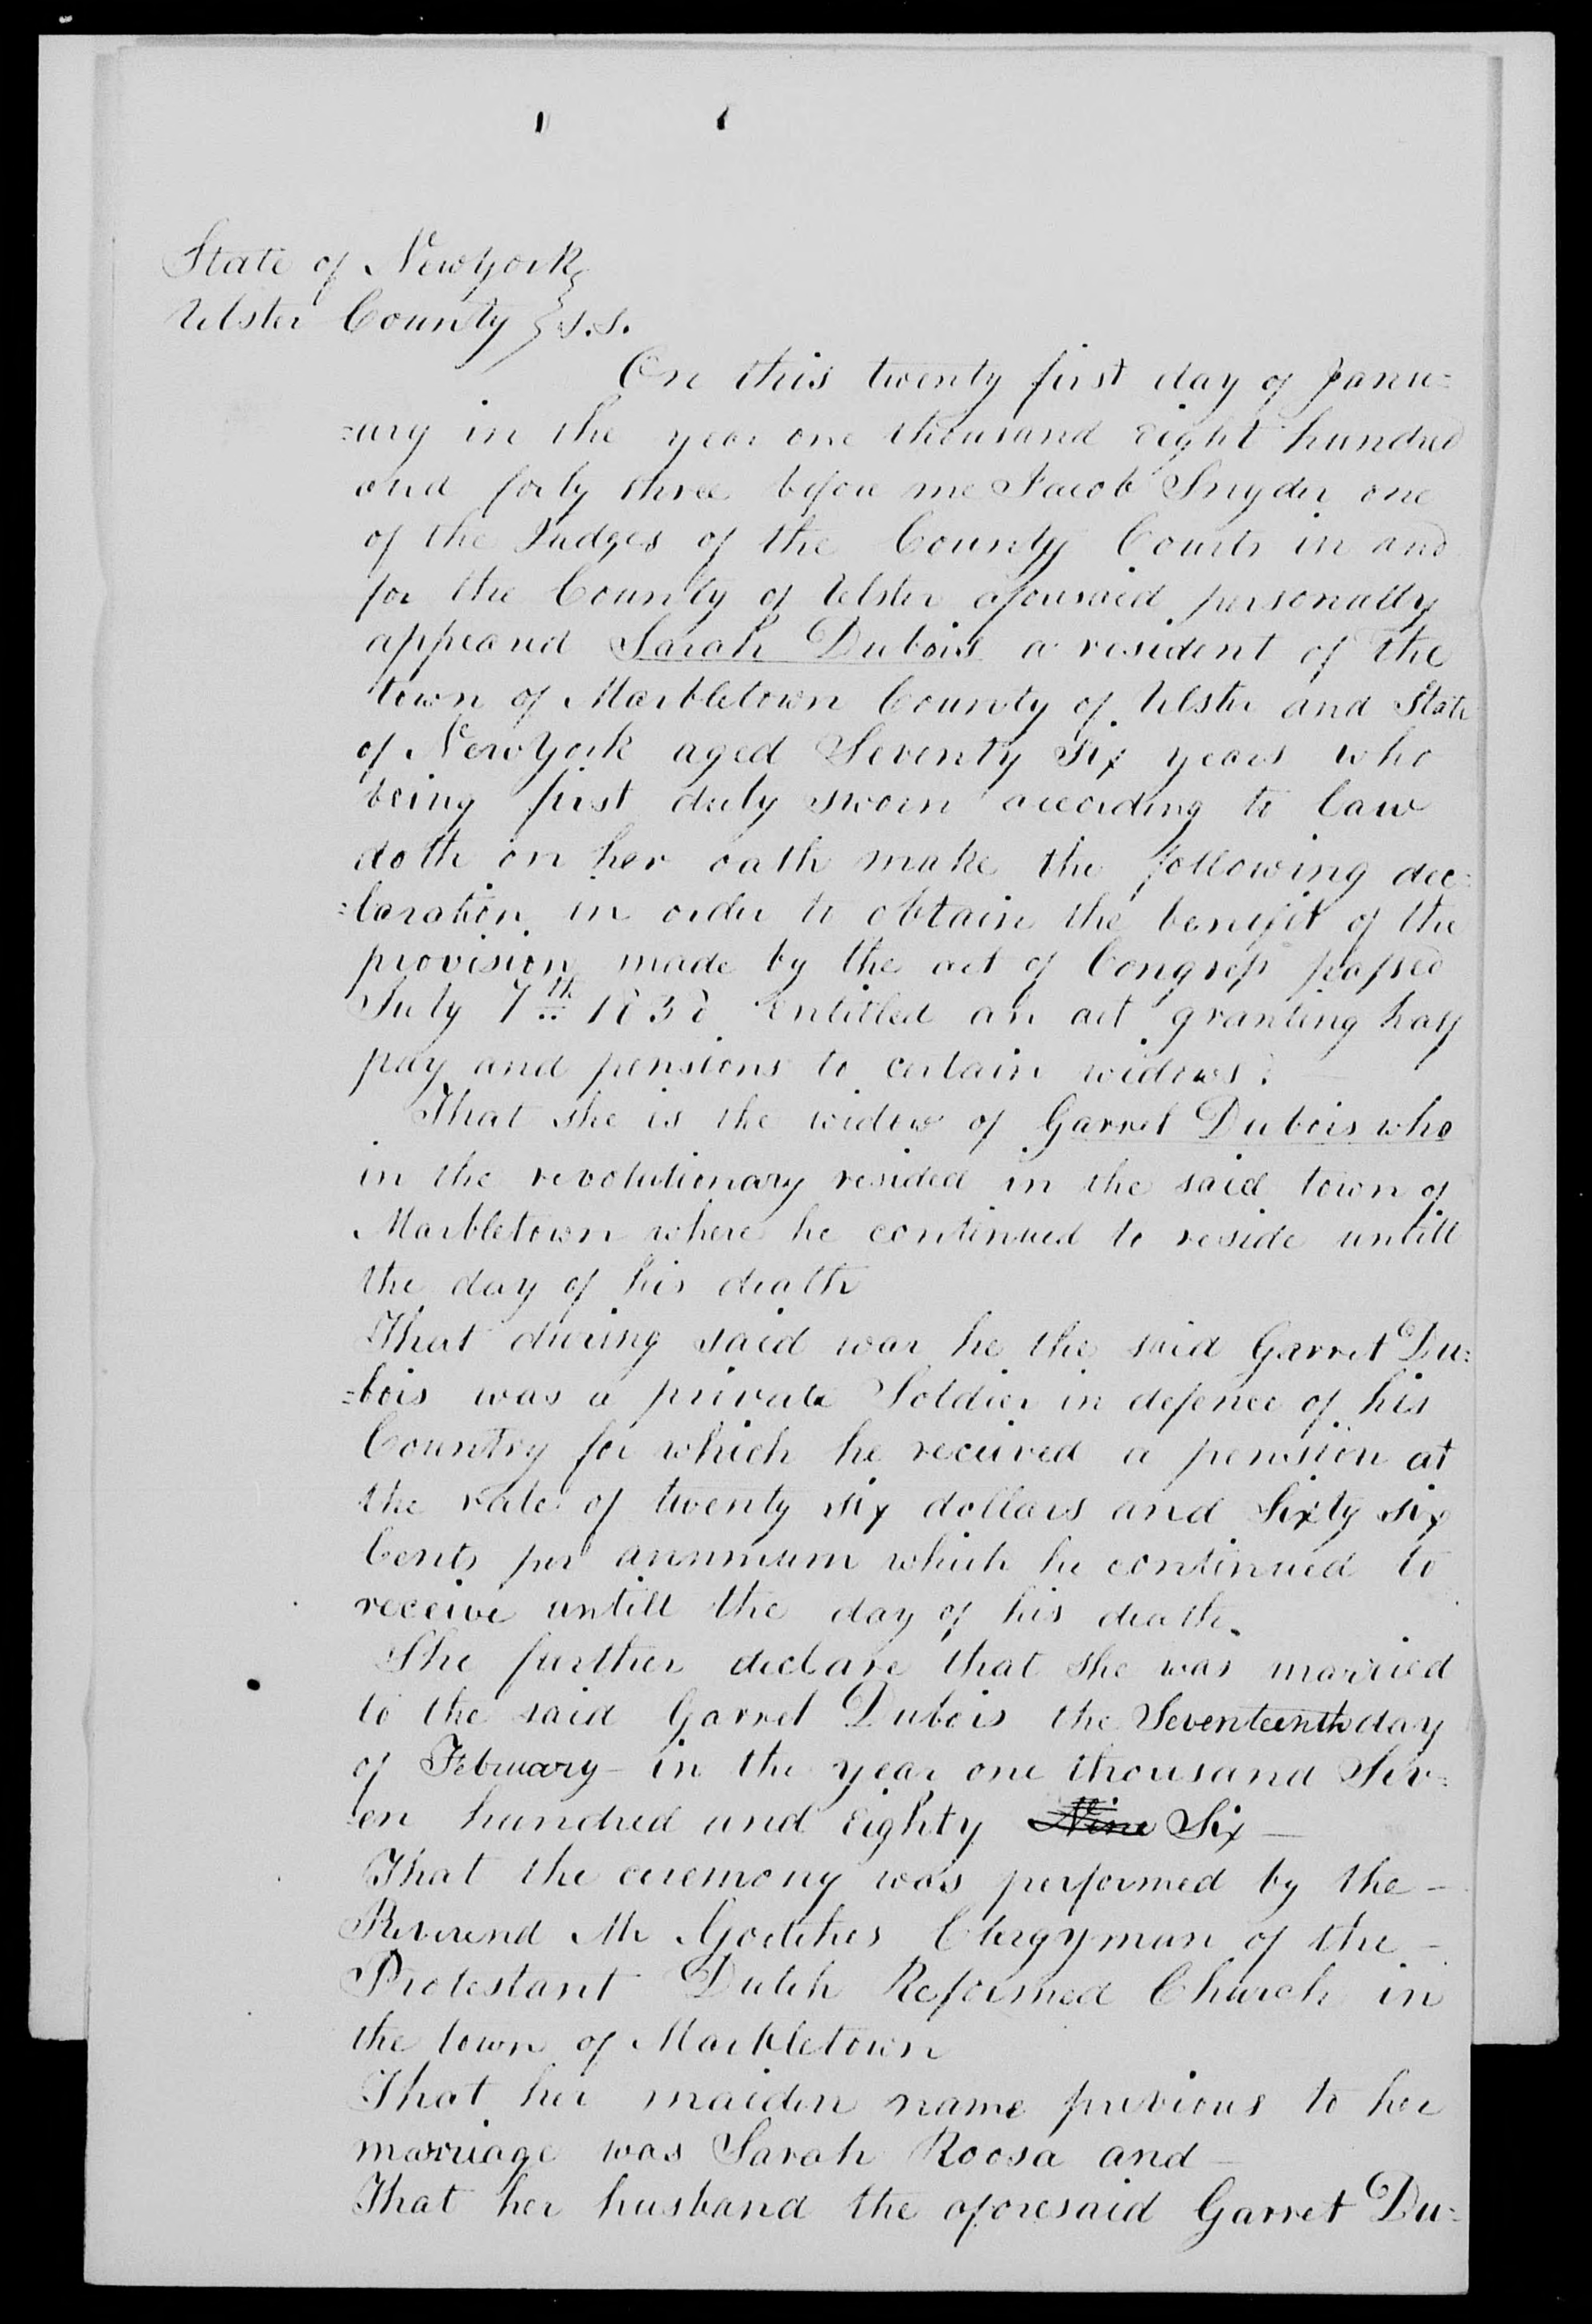State of New York}
Ulster County        }S.S.
On this twenty first day of January in the year one thousand eight hundred and forty three before me Jacob Snyder one of the Judges of the County Courts in and for the County of Ulster aforesaid personally appeared Sarah Dubois a resident of the town of Marbletown County of Ulster and State of New York aged Seventy Six years who being first duly sworn according to law 
doth on her oath make the following declaration in order to obtain the benefit of the provision made by the act of Congress passed July 7th 1838 entitled an act granting half pay and pensions to certain widows;
That she is the widow of Garret Dubois who in the revolutionary resided in the said town of Marbletown where he continued to reside untill [sic] the day of his death.
That during said war he the said Garret Dubois was a private Soldier in defence [sic] of his Country for which he received a pension at the rate of twenty six dollars and Sixty six Cents per annum which he continued to receive untill the day of his death.
She further declare that she was married to the said Garret Dubois the Seventeenth day of February in the year one thousand seven hundred and Eighty ["Nine" lined out] Six. -
That the ceremony was performed by the Reverend Mr. Gootches Clergyman of the Protestant Dutch Reformed Church in the town of Marbletown.
That her maiden name previous to her marriage was Sarah Roosa and
That her husband the aforesaid Garret Du(bois)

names: Garret Dubois, Jacob Snyder, Sarah Roosa, Goetches, Sarah Dubois, Garret Dubois, Garret Dubois, Garret Dubois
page: 13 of 36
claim: widow's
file: W 20995, Gerrit Dubois, New York